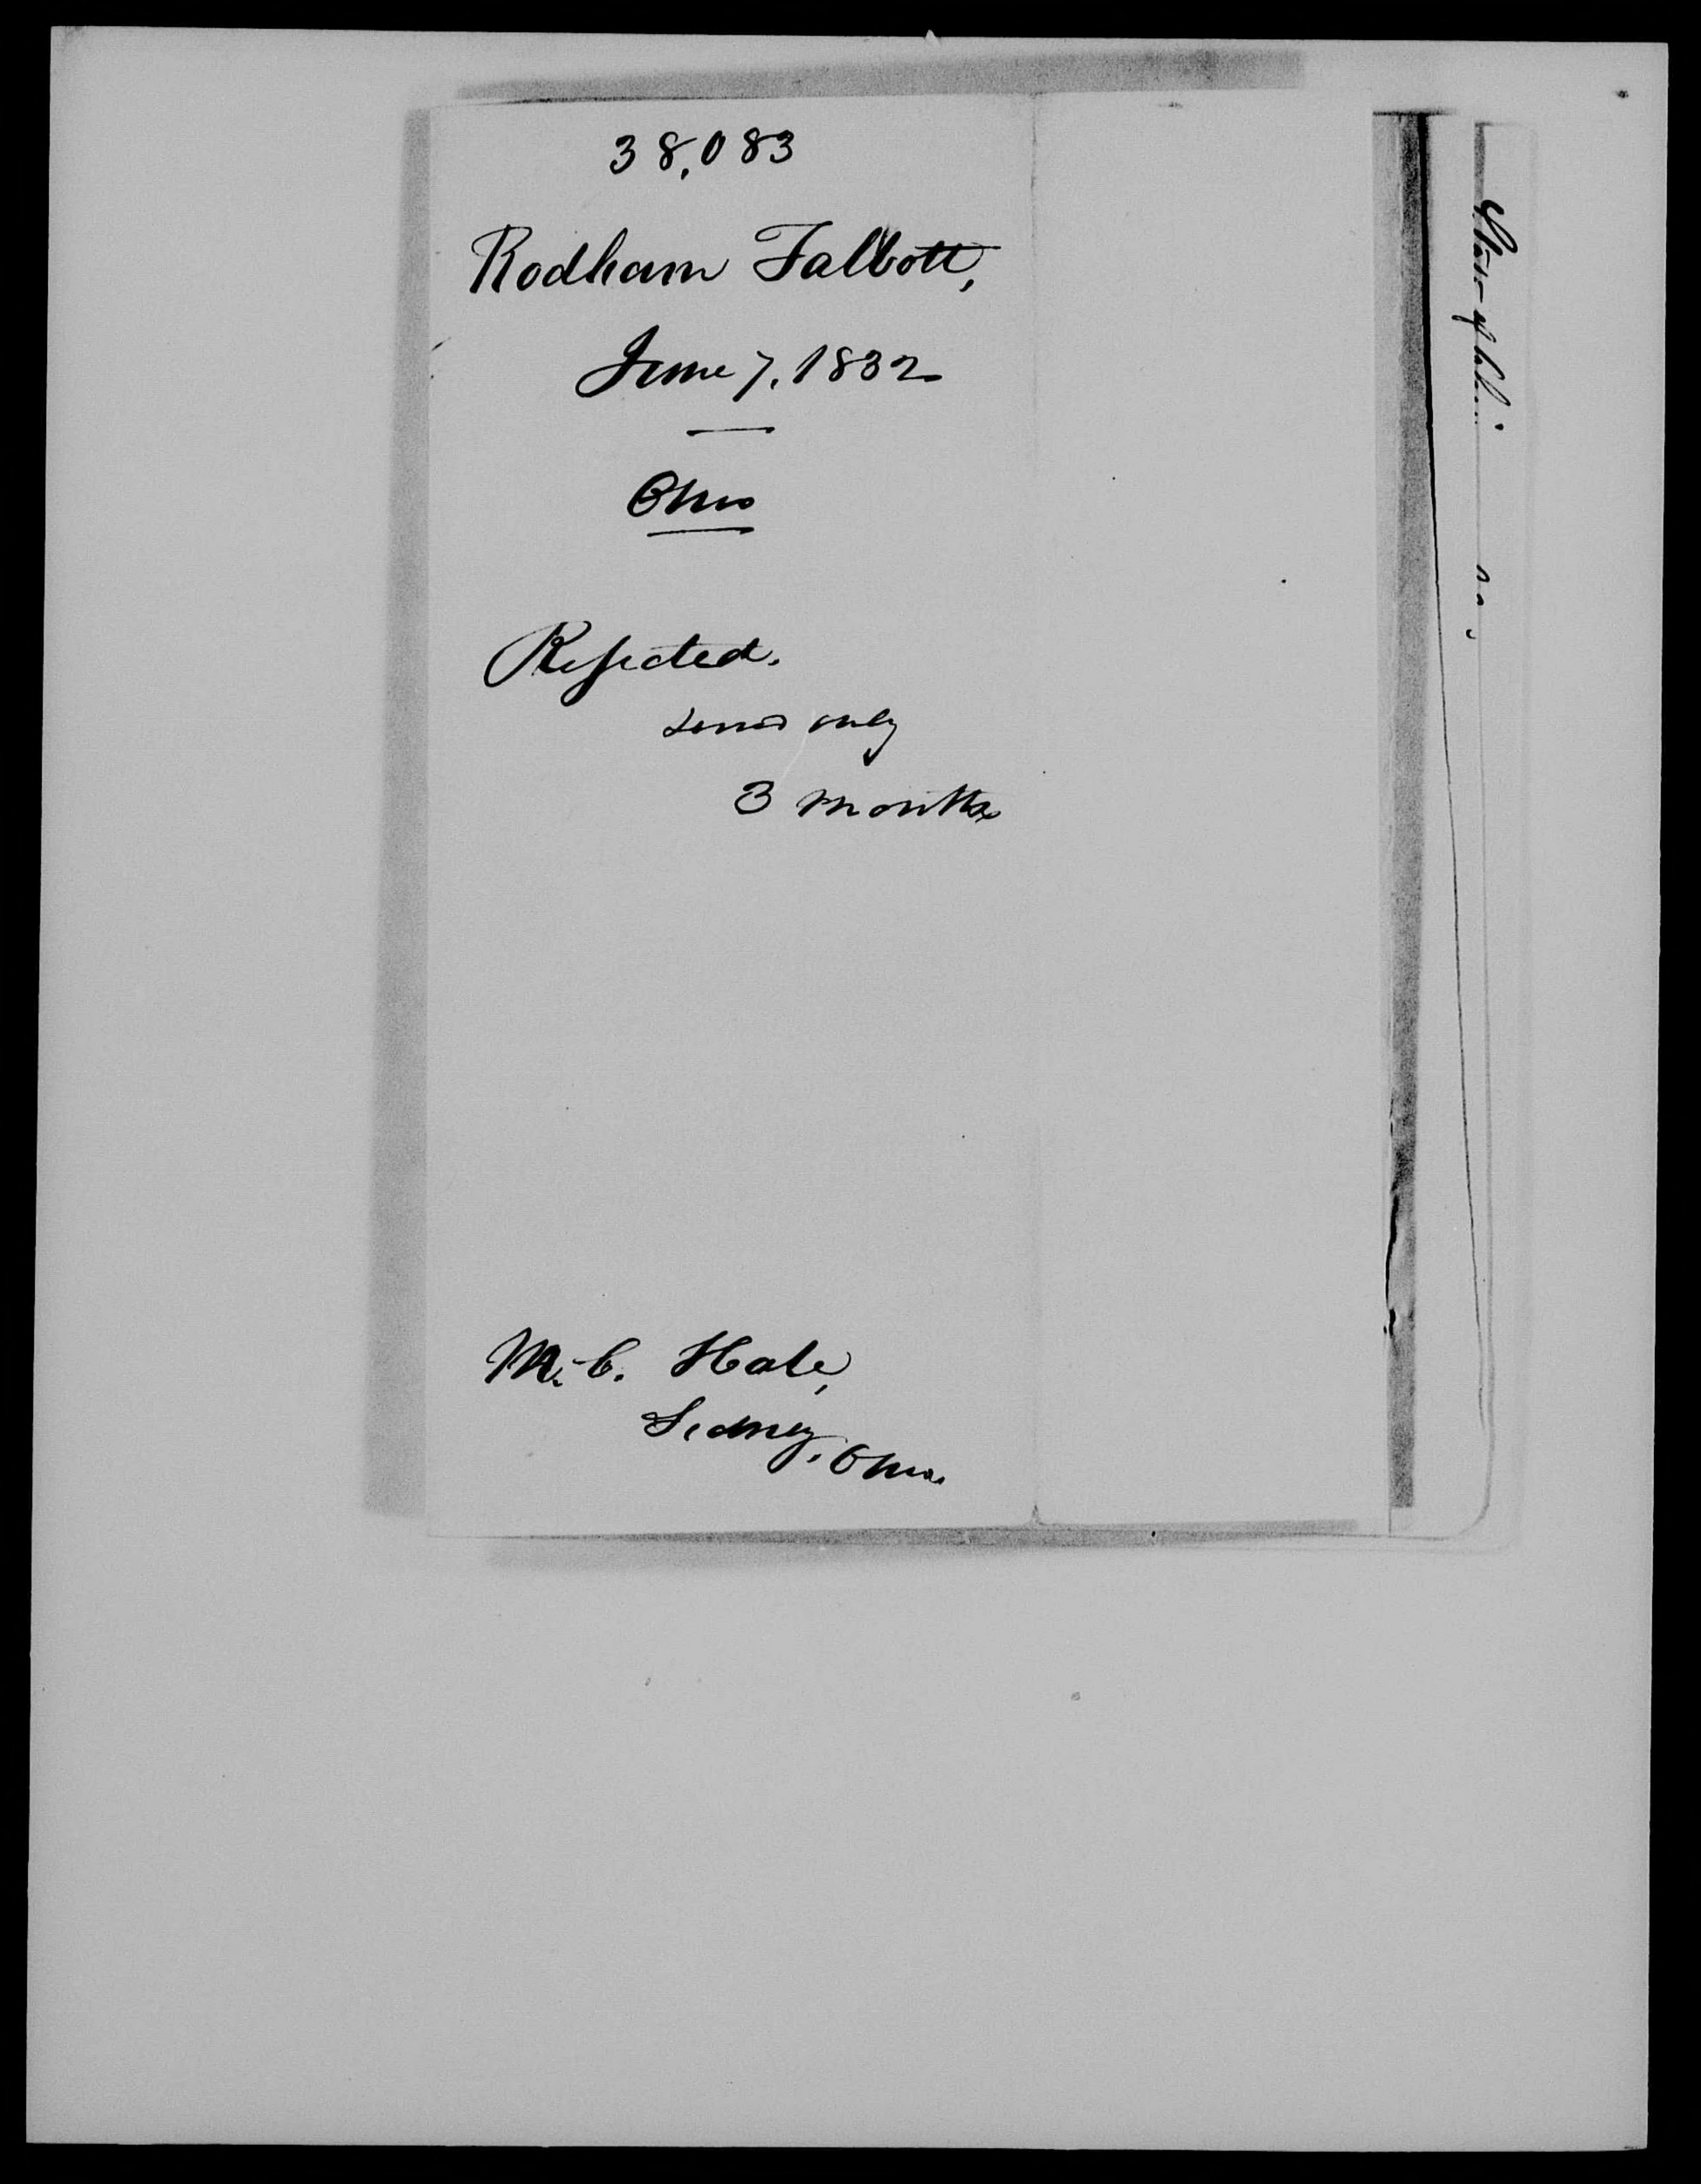38,083
Rodham Talbott
June 7, 1832

Ohio

Rejected
Land only
3 months

M. C. Hale,
Sidney, 
Ohio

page: 4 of 7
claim: rejected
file: R 10378, for Rodham Talbott, Virginia